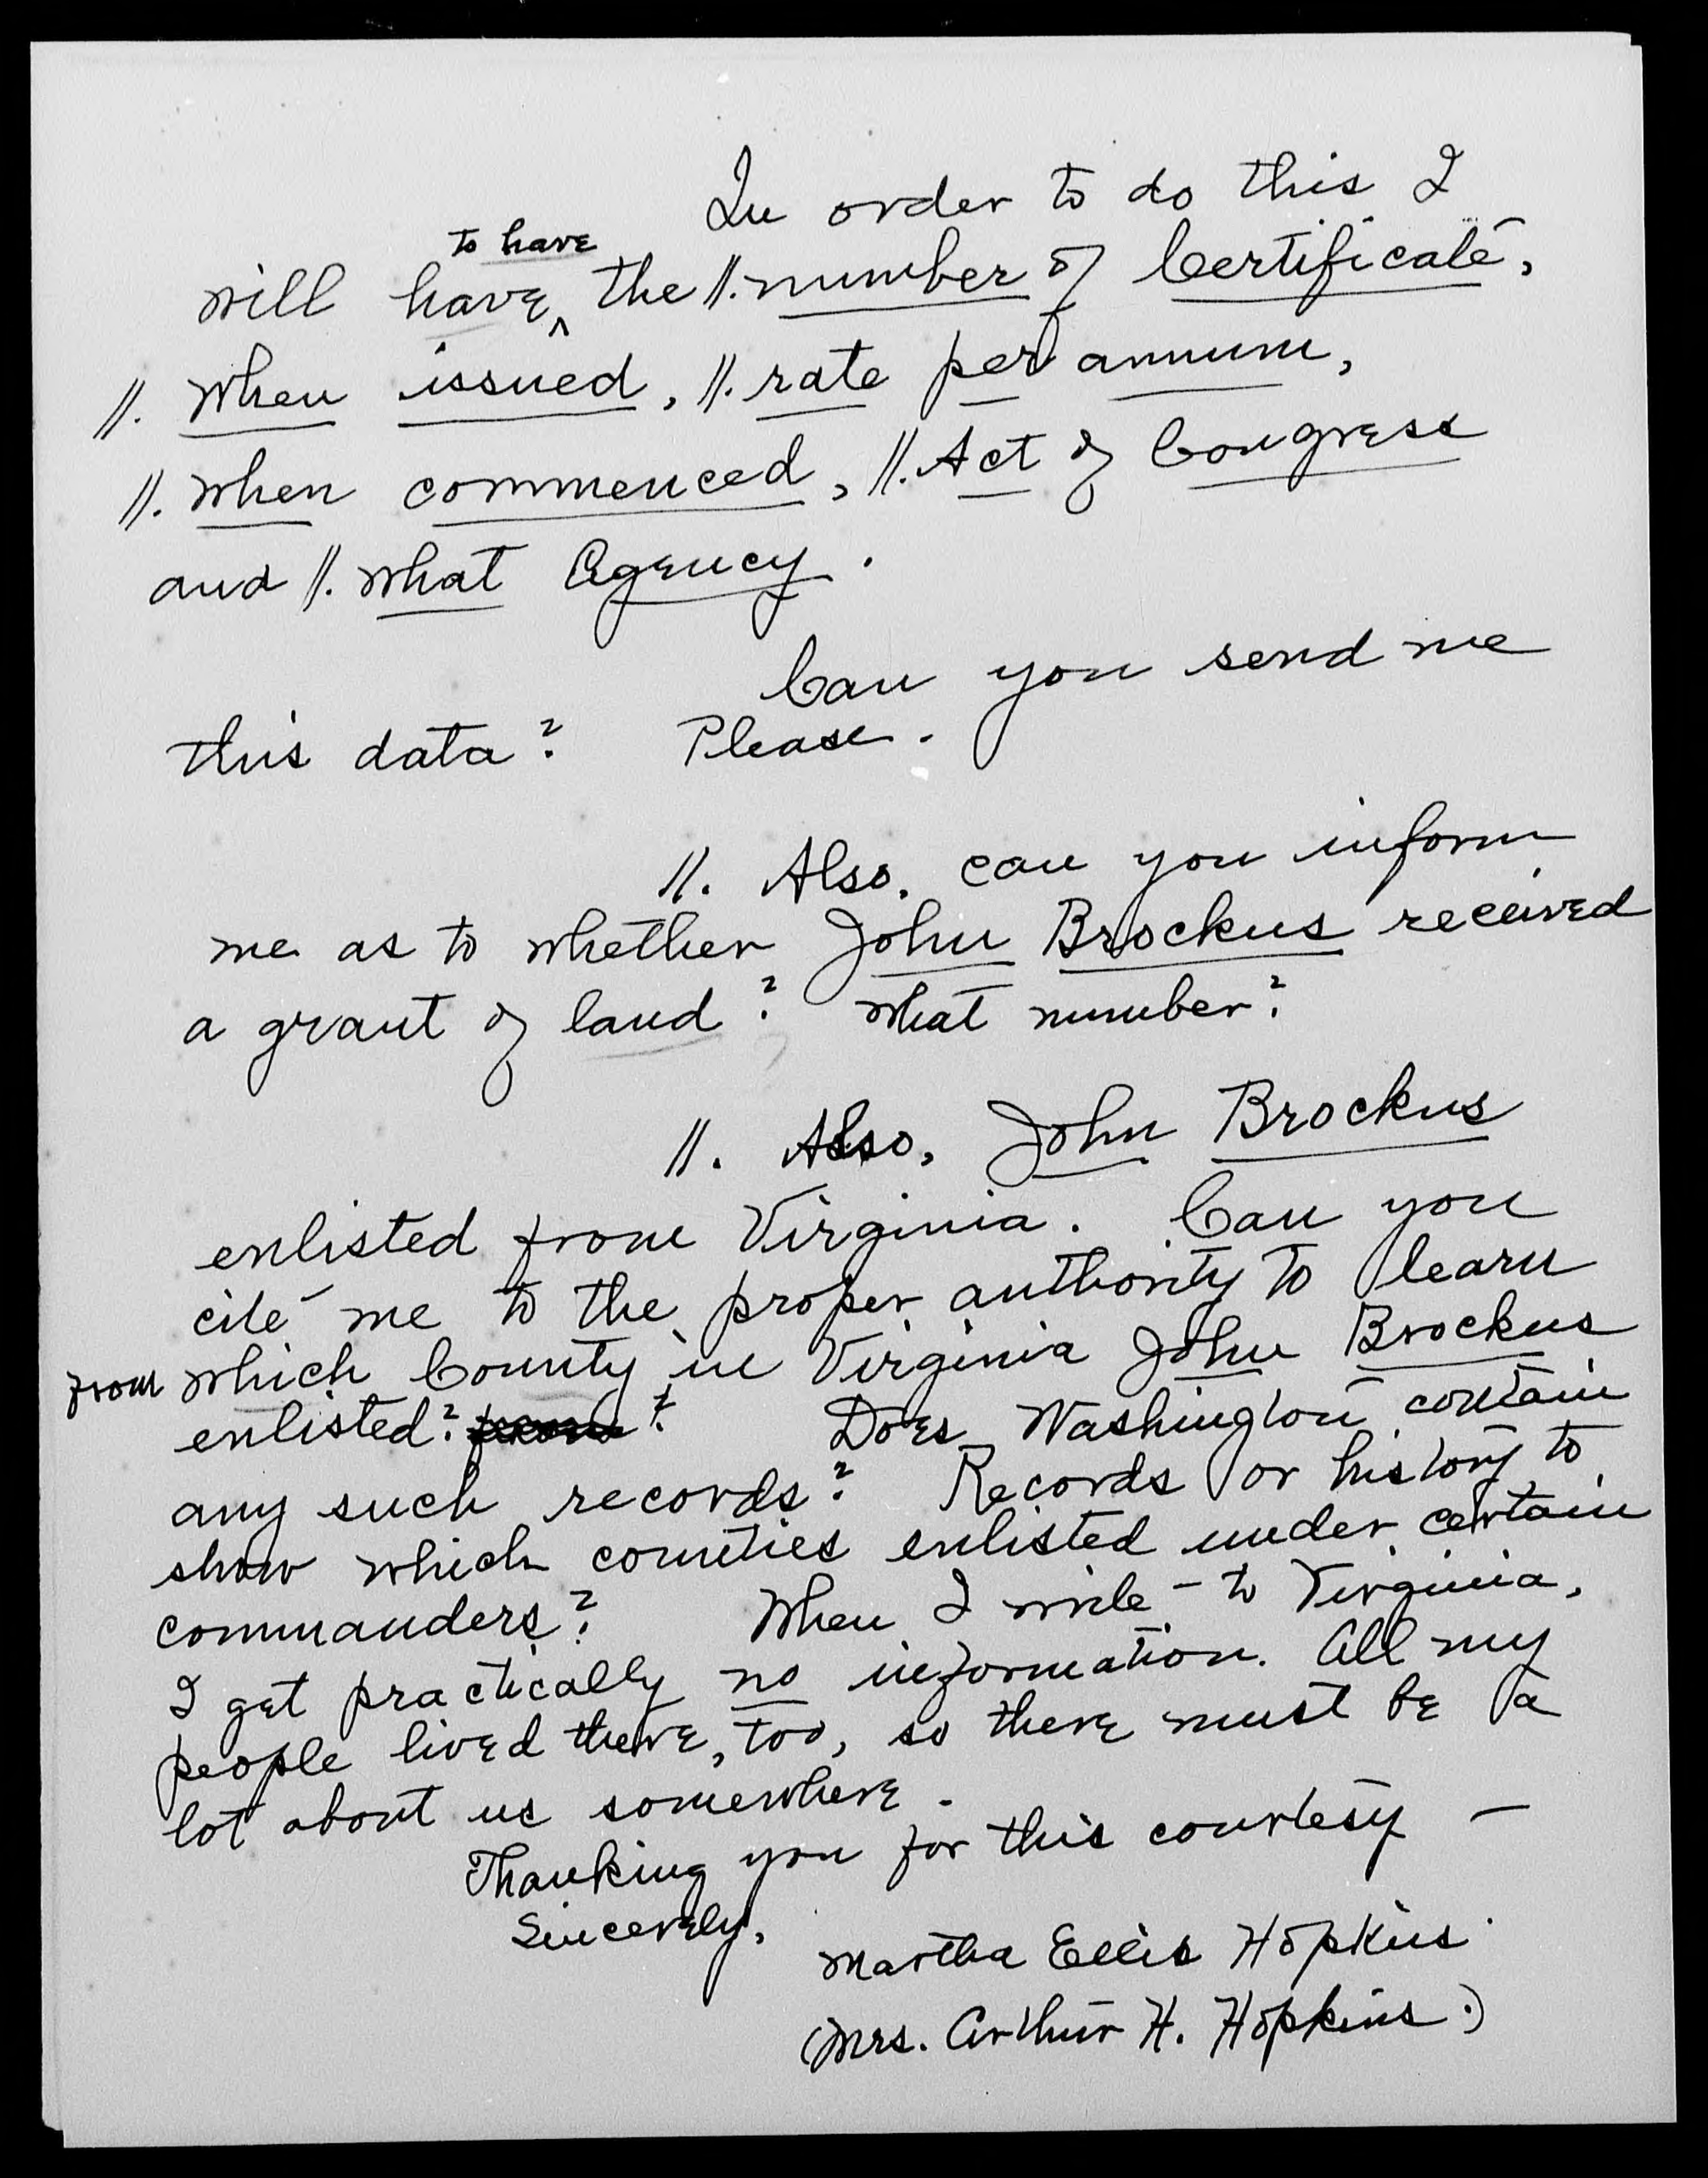In order to do this I will have to have the //. number of certificate, //. when issued, //. rate per annum, //. when commenced, //. Act of Congress and //. what agency.
Can you send me this data? Please.
//. Also, can you inform me as to whether John Brockus received a grant of land? What number?
//. Also, John Brockus enlisted form Virginia. Can you cite me to the proper authority to learn from which County in Virginia John Brockus enlisted? Does Washington contain any such records? Records or history to show which counties enlisted under certain commanders? When I write to Virginia, I get practically no information. All my people lived there, too, so there must be a lot about us somewhere.
Thanking you for this courtesy
Sincerely,
Martha Ellis Hopkins
(Mrs. Arthur H. Hopkins)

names: Martha Ellis Hopkins, John Brockus, John Brockus, Arthur H Hopkins, John Brockus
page: 17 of 19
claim: survivor's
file: S. 39,224, John Brockus, Va.